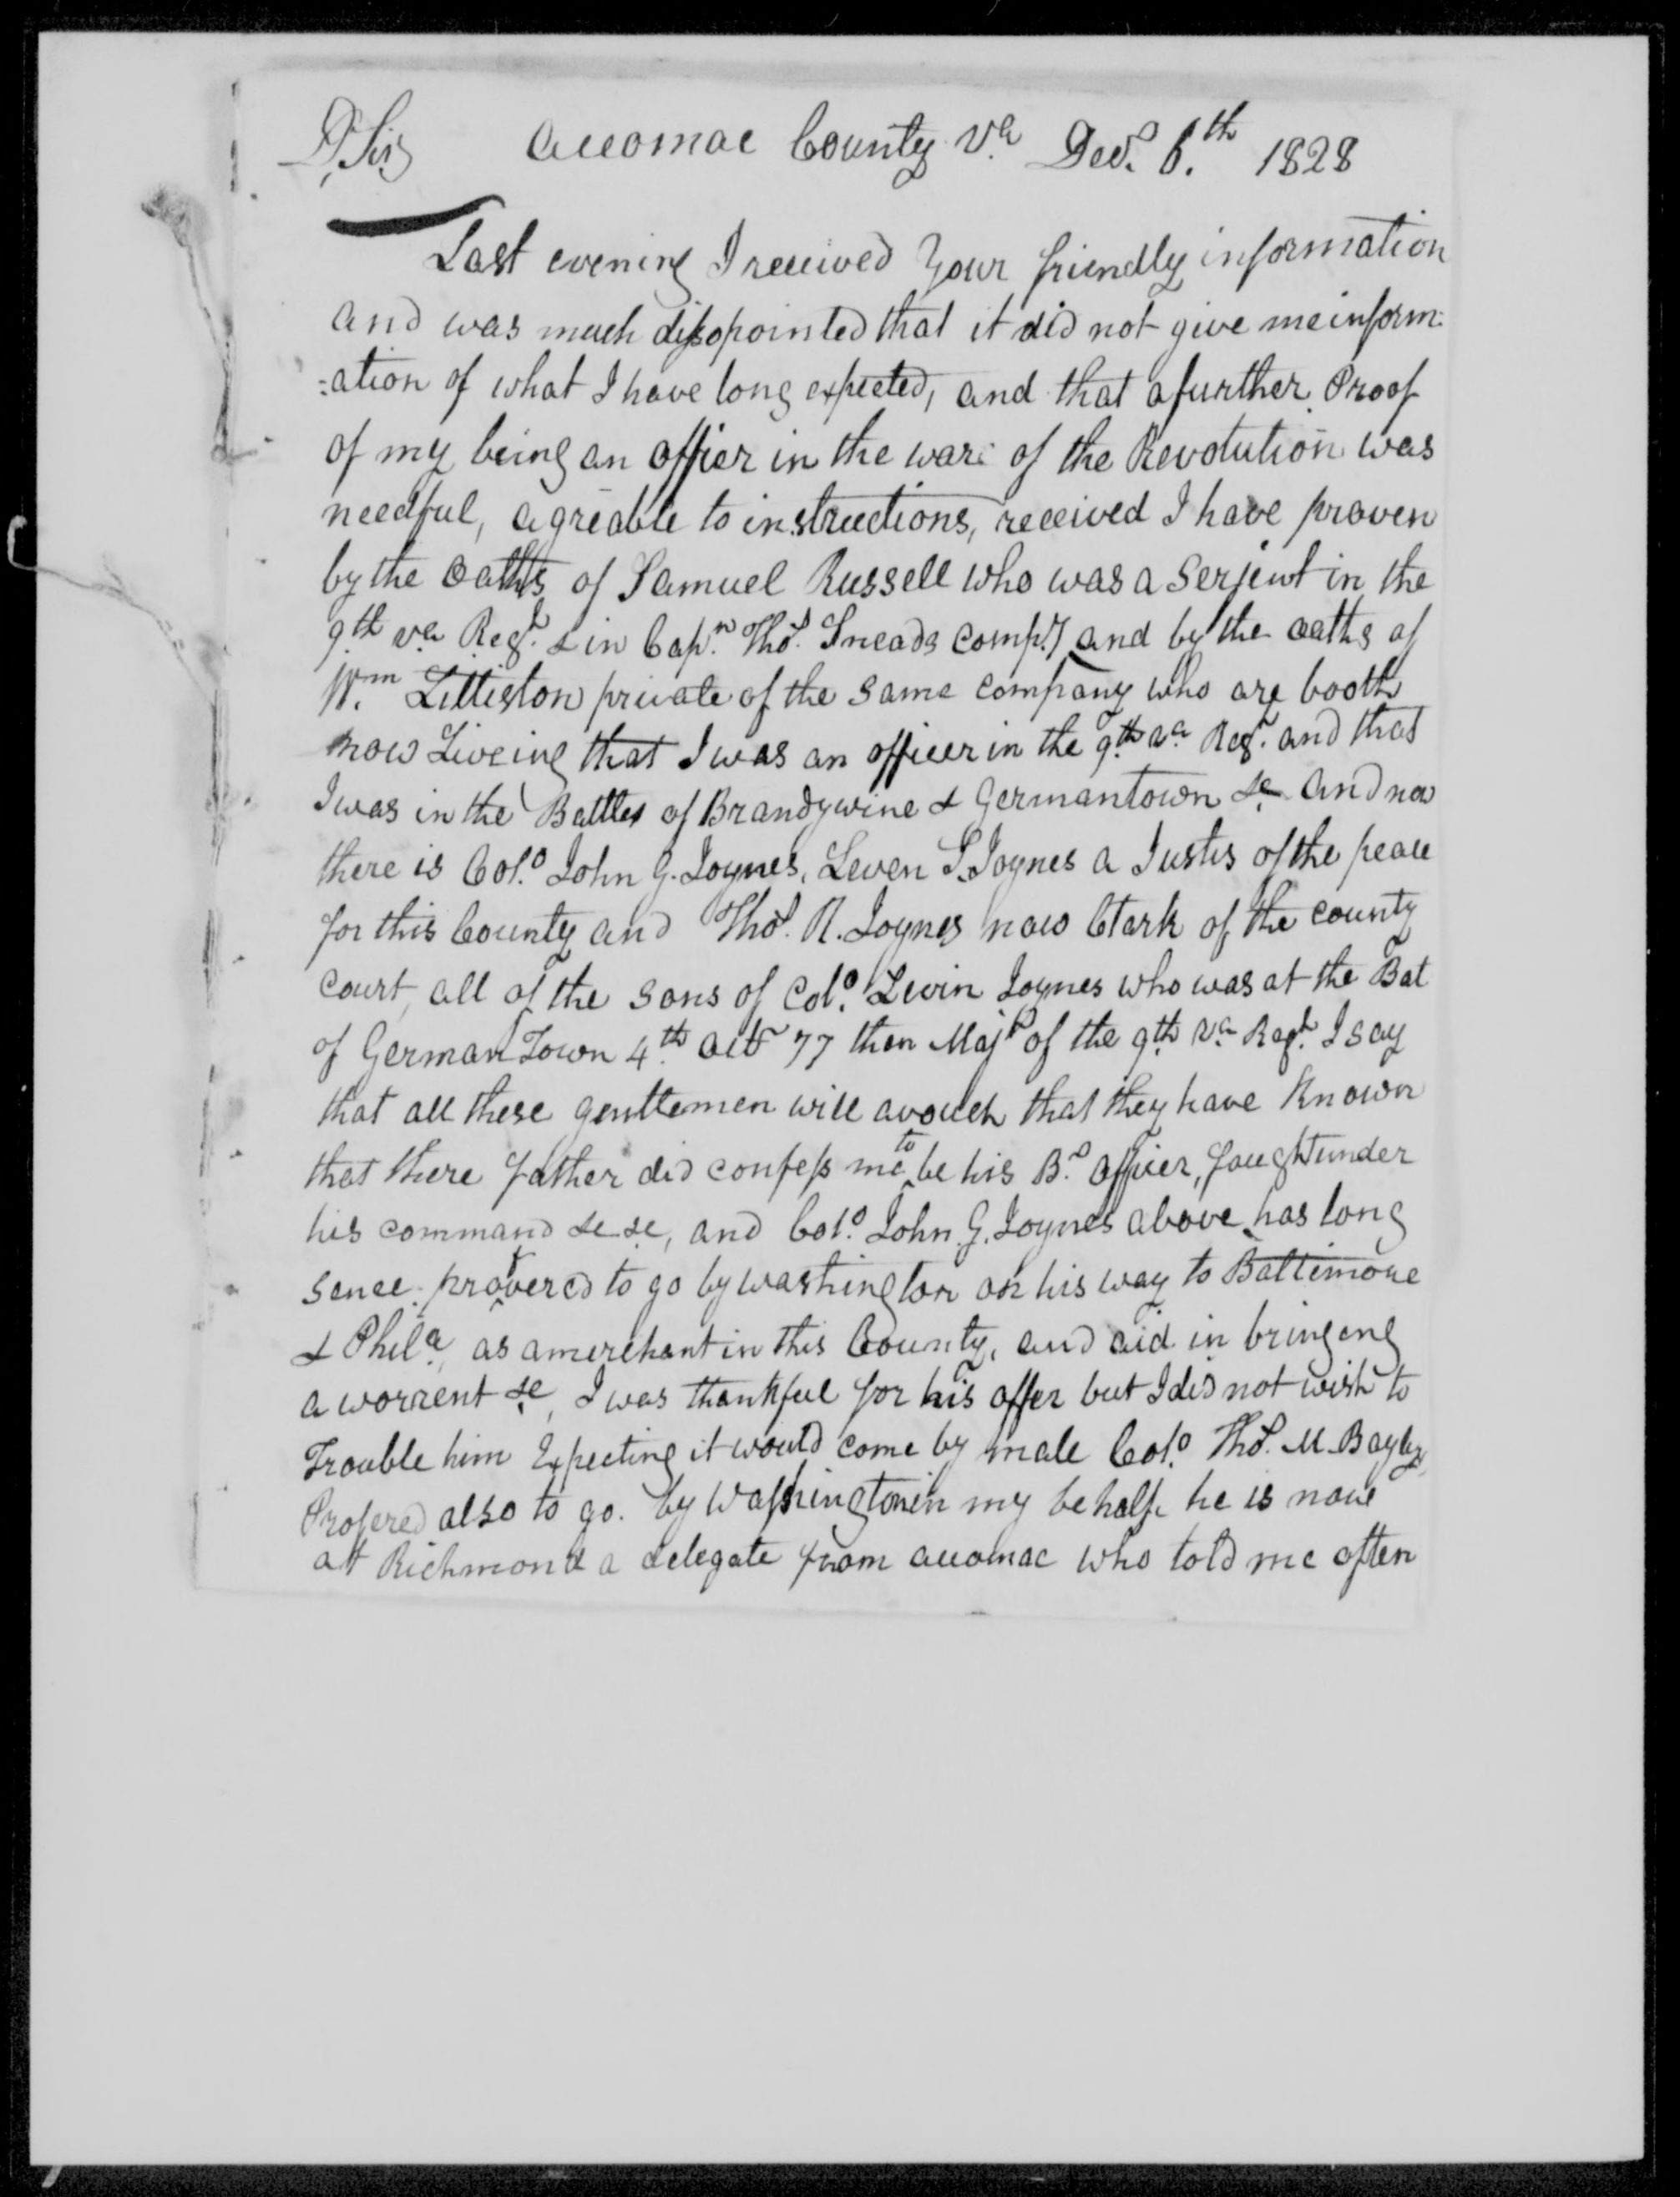Accomac County Va. Decr. 6th 1828
D Sirs
Last evening I received your friendly information and was much disappointed that it did not give me information of what I have long expected, and that a further proof of my being an officer in the war of the Revolution was needful, agreable to instructions, received I have proven by the oaths of Samuel Russell who was a Serjent in the 9th Va. Regt. & in Capn. Thos. Sneads compy. and by the oaths of Wm. Littleton private of the same company who are booth now liveing that I was an officer in the 9th Va. Regt. and that I was in the Battles of Brandywine & Germantown &c and now there is Colo. John G. JOynes now clerk of the county court, all of the sons of Colo. Levin Joynes who was at the Bat of GermanTown 4th Octr. 77 then Majr. of the 9th Va. Regt. I say that all these gentlemen will avouch that they have known that there father did confess me to be his B. Officer, fought under his command &c &c, and Colo. John G. Joynes above has long since profered to go by Washington on his way to Baltimore & Phila. as as a merchant in this county, and aid in bringing a warrant &c I was thankful for his offer but I did not wish to trouble him expecting it would come by male Colo. Thos. M Bayley profered also to go. by Washington in my behalf he is now at Richmond a delegate from Accomac who told me often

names: Thos M Bayley, John G Joynes, Samuel Russell, Wm Lilliston, John G Joynes, Levin Joynes, Leven S Joynes, Thos R Joynes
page: 54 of 59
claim: widow's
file: W. 6427, Samuel Waples, Va.